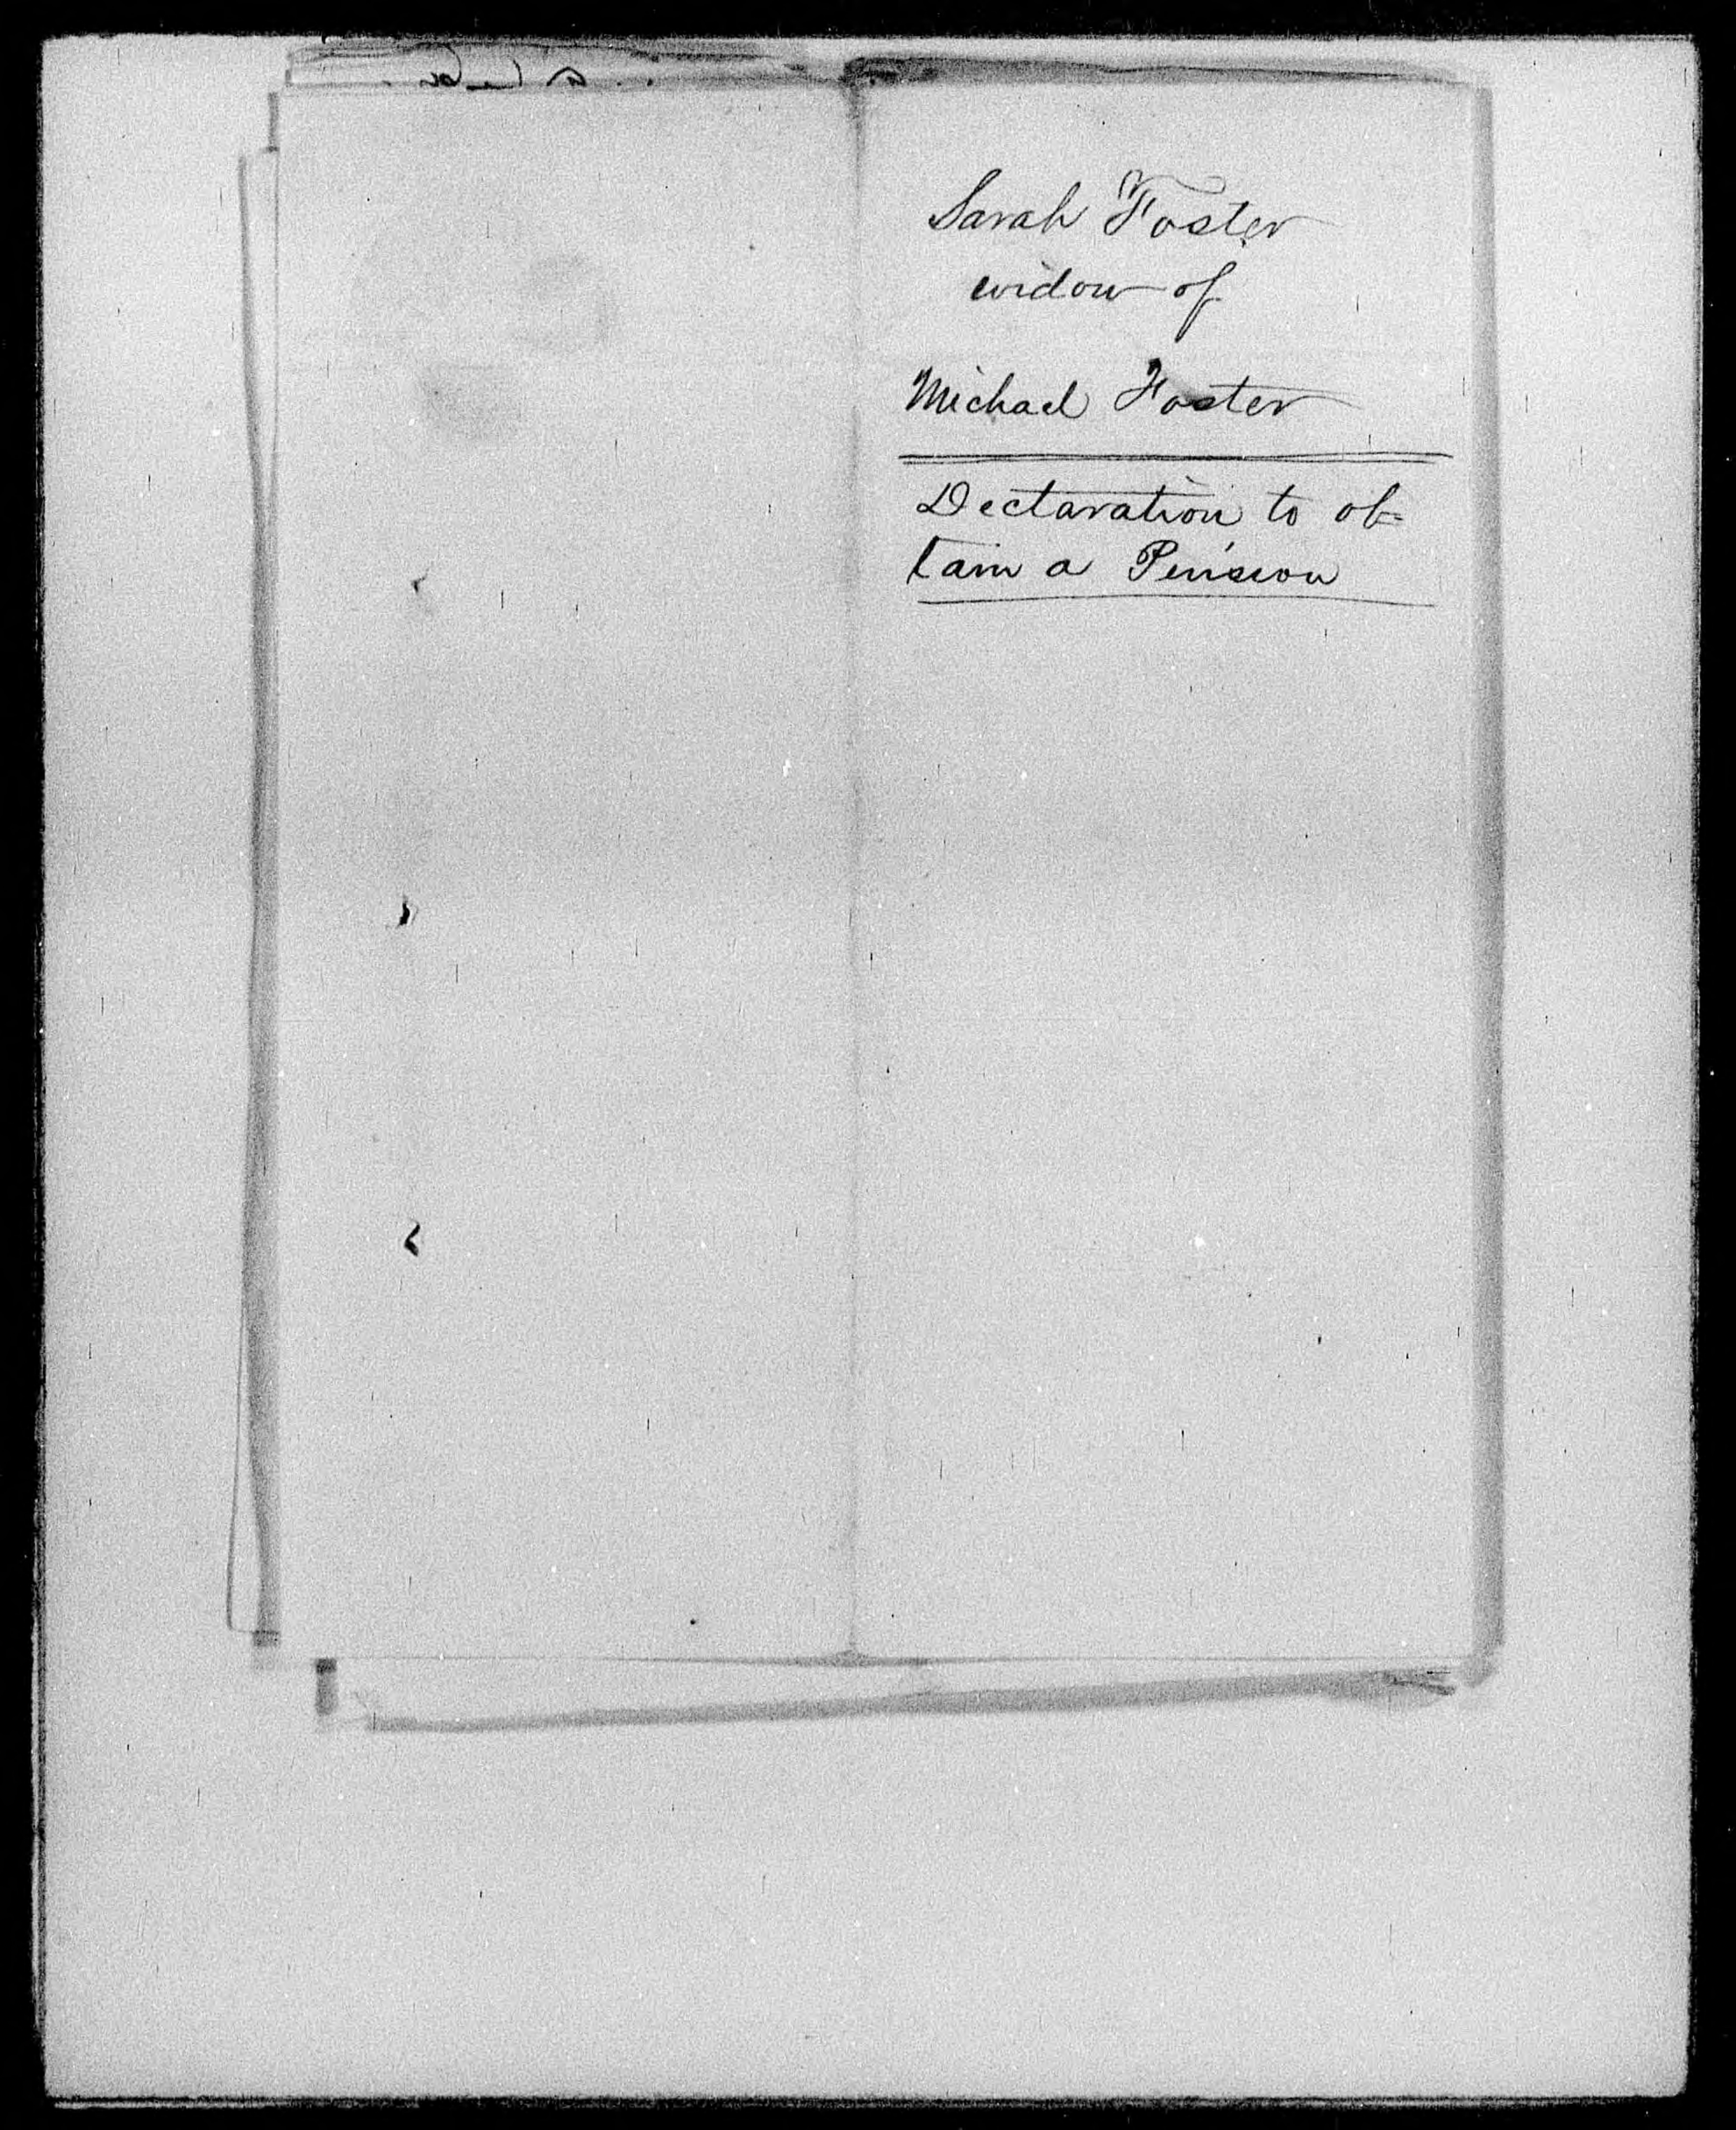Sarah Foster
widow of
Michael Foster
_________________________
Declaration to obtain a Pension
_____________________________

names: Sarah Foster, Michael Foster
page: 28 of 57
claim: widow's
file: W. 5275 1/2, Michael Foster, Penn.